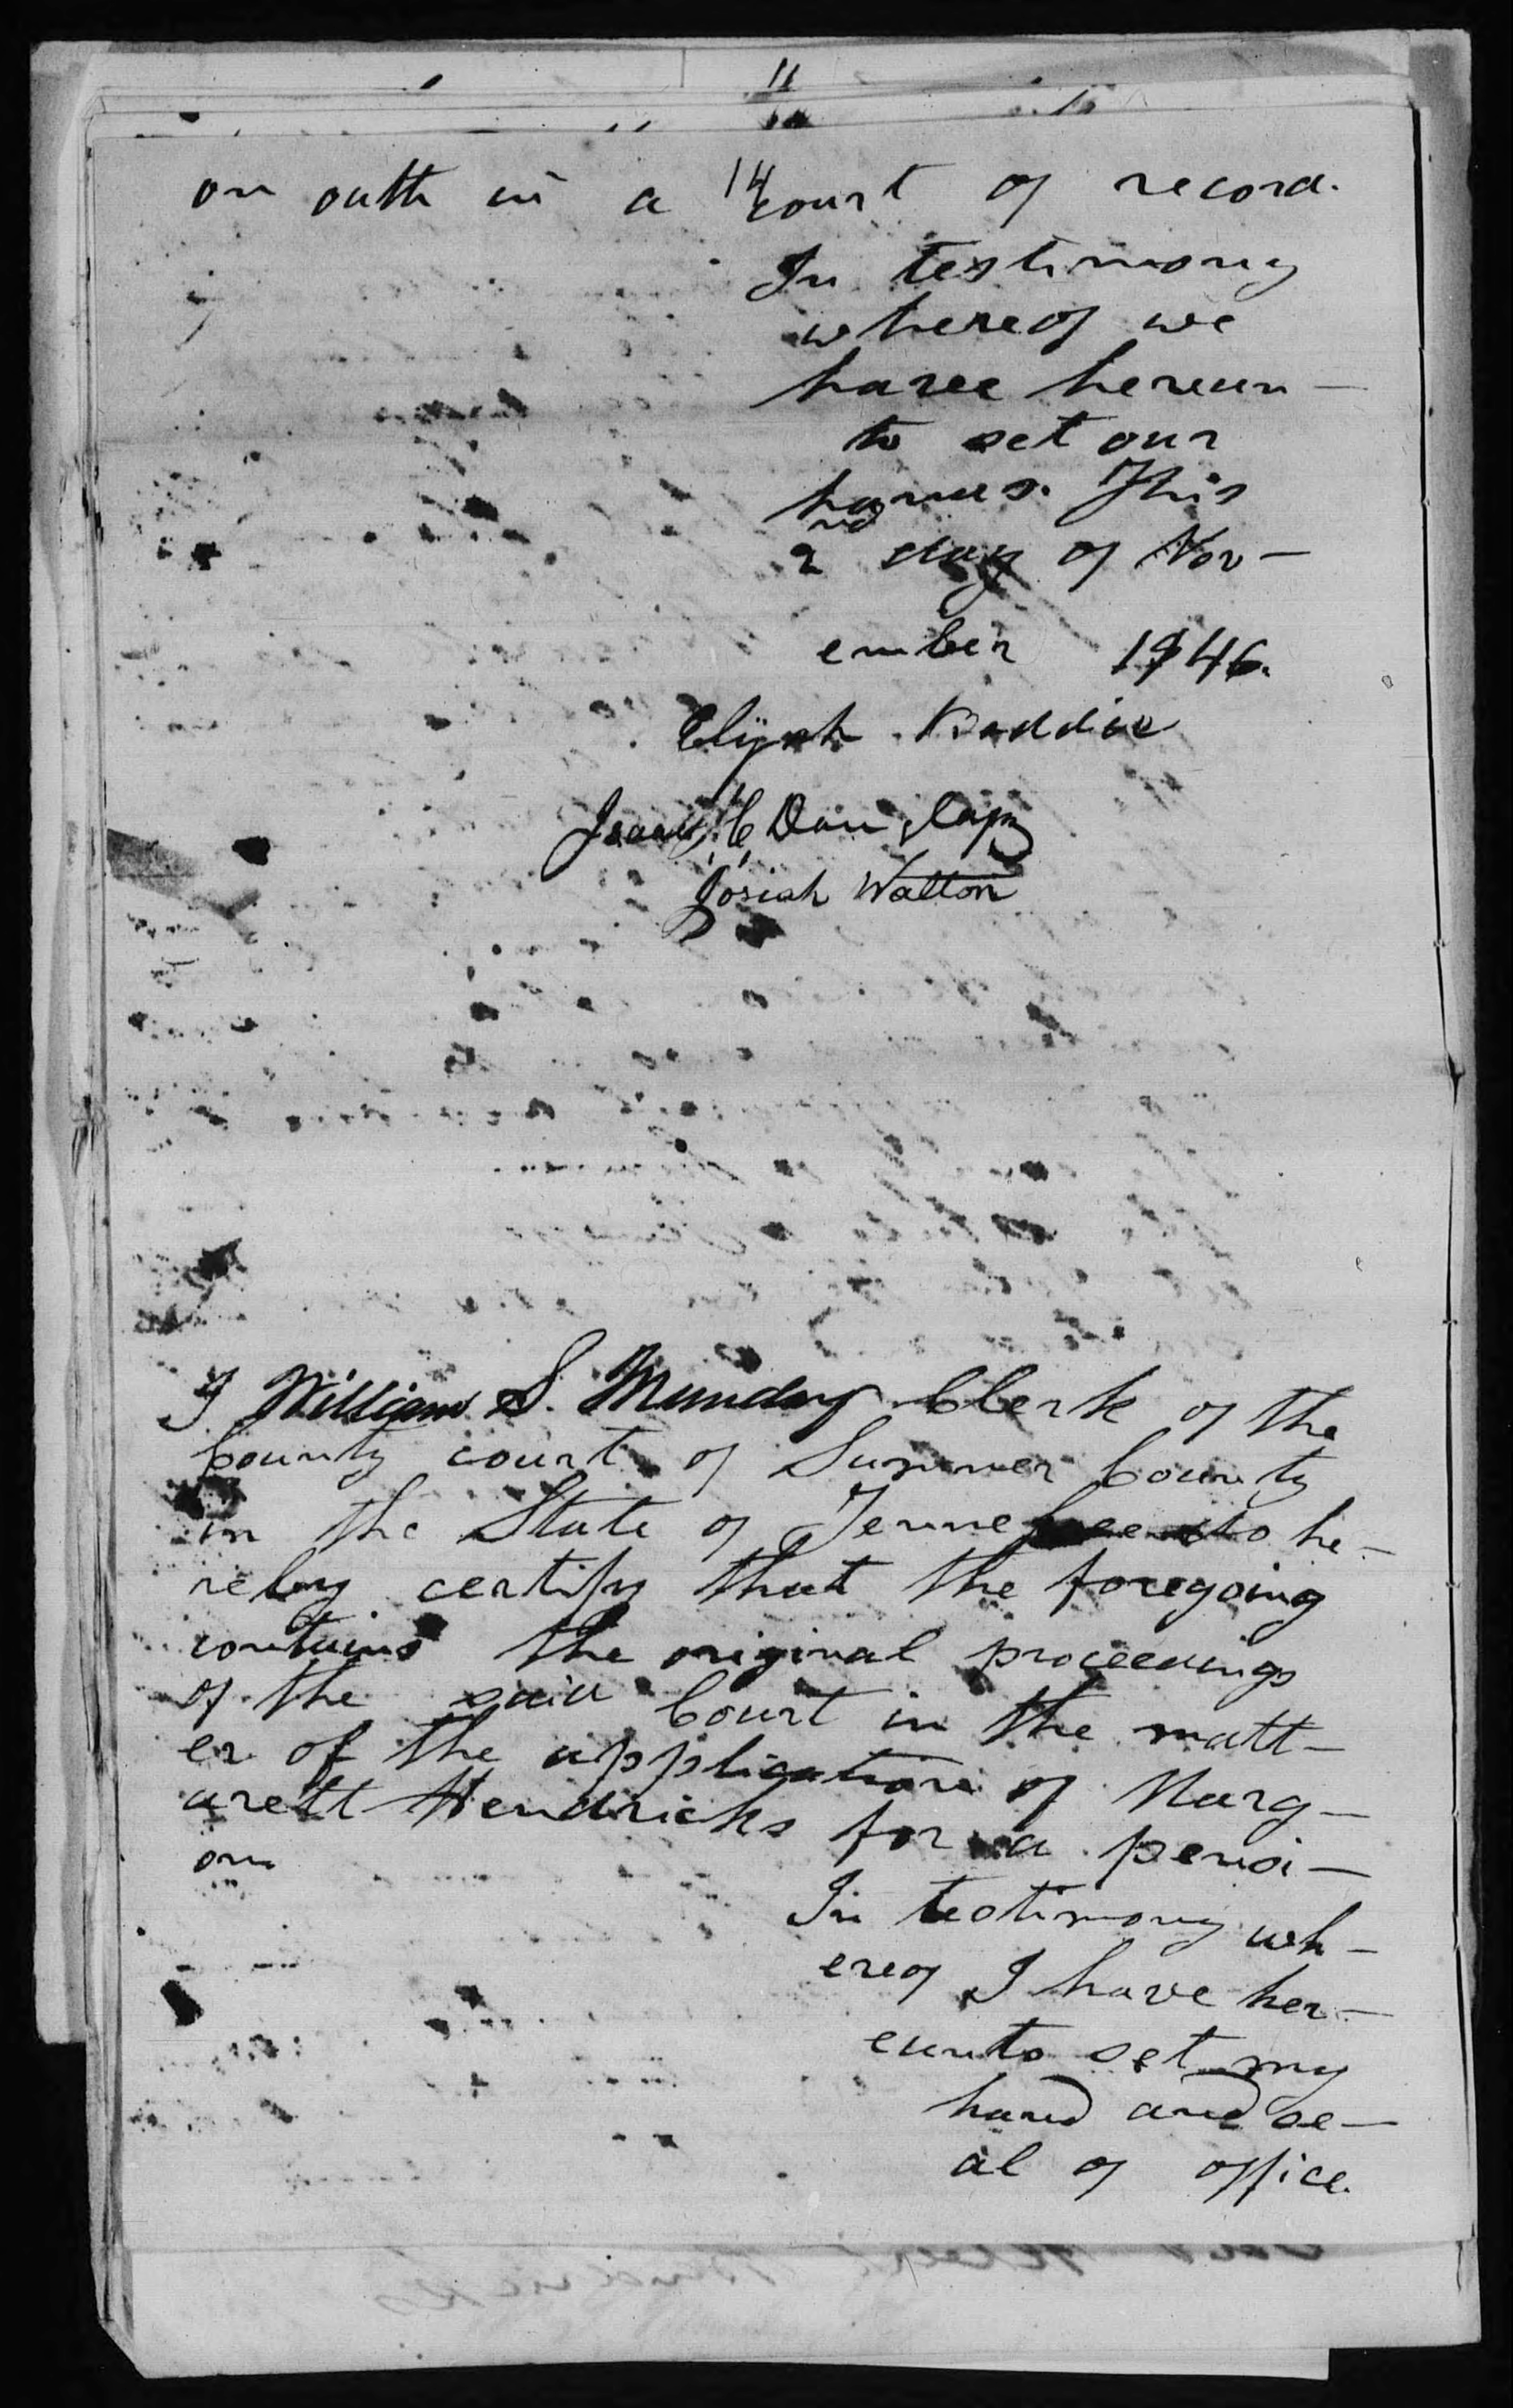14
on oath in a court of record.
In testimony 
whereof we 
have hereun
to set our 
hands this 
2nd day of Nov
ember 1846.
Elijah Boddie
Isaac C Douglass
Josiah Walton

I William S. Munday Clerk of the 
County Court of Sumner County 
in the State of Tennessee do he
reby certify that the foregoing 
contains the original proceedings 
of the said Court in the matt
er of the application of Marg
arett Hendricks for a pension.
In testimony wh
ereof, I have her
eunto set my hand and se
al of office.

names: Margarett Hendricks, Isaac C Douglass, Elijah Boddie, Josiah Walton, William S Munday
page: 36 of 76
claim: widow's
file: W. 83, Albert Hendricks, Continental Md. N.C.